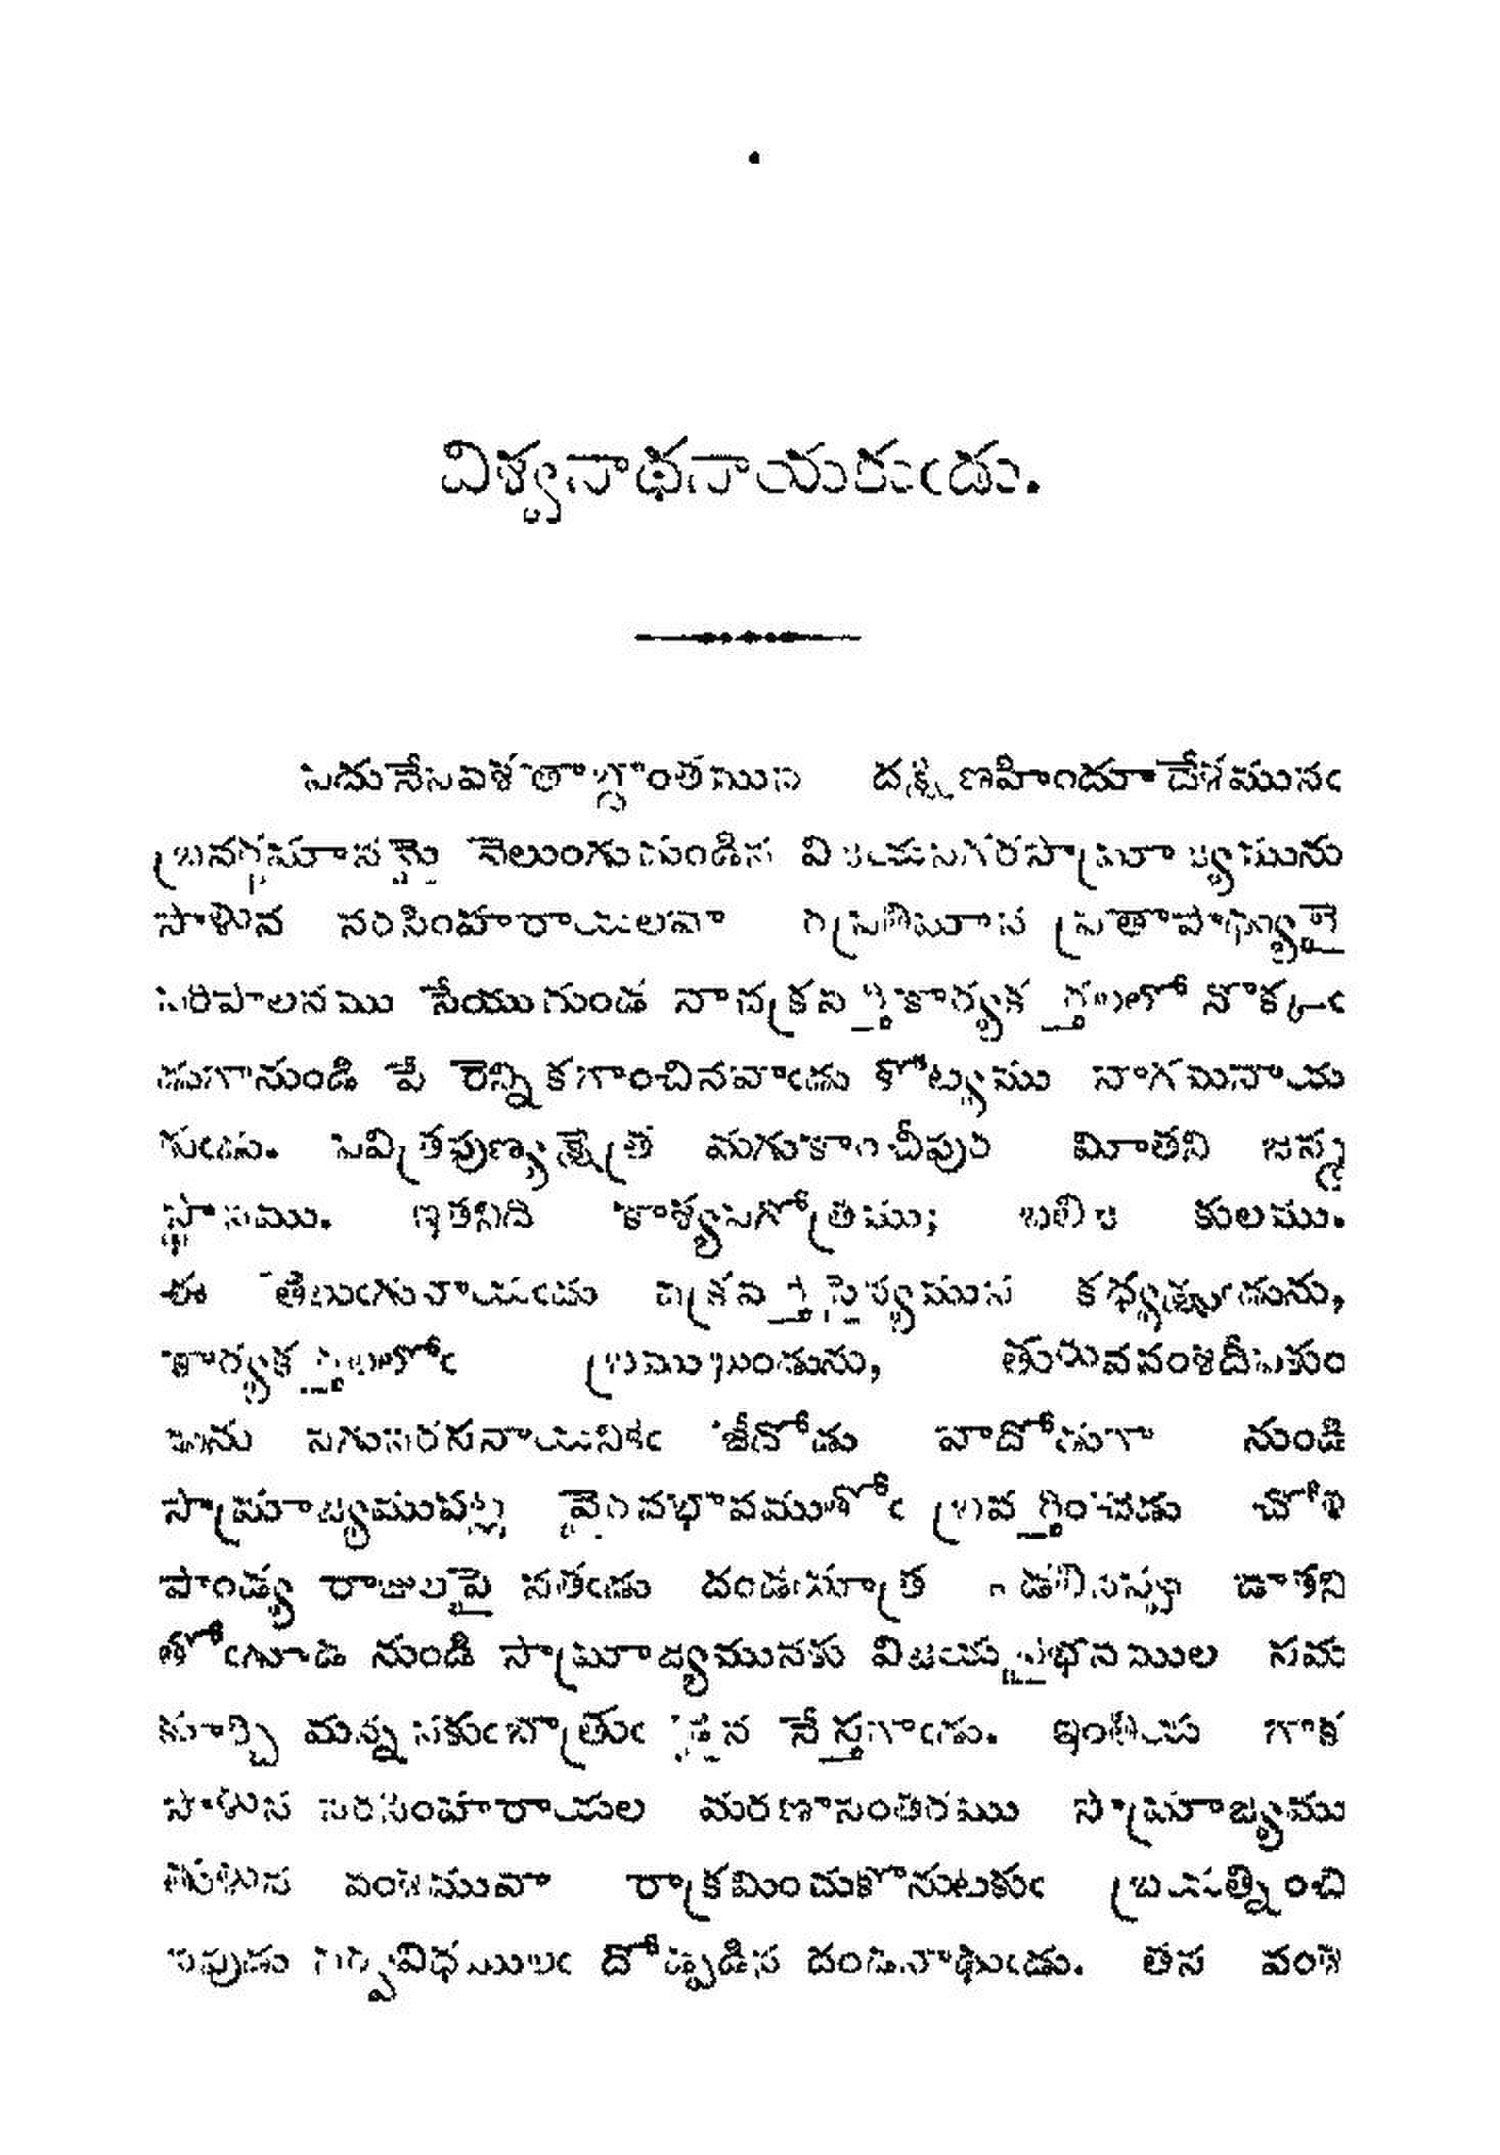విశ్వనాథనాయకుఁడు. 

పదునేనవశతాబ్దాంతమున దక్షిణహిందూదేశమునఁ బ్రవర్థమానమై వెలుంగుచుండిన విజయనగరసామ్రాజ్యమును సాళువ నరసింహరాయలవా రప్రతిమాన ప్రతాపాధ్యులై పరిపాలనము సేయుచుండ నాచక్రవర్తికార్యకర్తలలో నొక్కండుగానుండి పే రెన్నికగాంచినవాఁడు కోట్యము నాగమనాయకుఁడు. పవిత్రపుణ్యక్షేత్ర మగుకాంచీపుర మీతని జన్మస్థానము. ఇతనిది కాశ్యపగోత్రము; బలిజ కులము. ఈ తెలుఁగునాయఁడు చక్రవర్తిసైన్యమున కధ్యక్షుడును, కార్యకర్తలలోఁ బ్రముఖుండును, తుళువవంశదీపకుండును నగునరసనాయనికిఁ జేదోడు వాదోడుగా నుండి సామ్రాజ్యముపట్ల వైరవభావముతోఁ బ్రవర్తించెడు చోళ పాండ్య రాజులపై నతఁడు దండయాత్ర వెడలినప్పు డాతనితోఁగూడ నుండి సామ్రాజ్యమునకు విజయవైభవముల సమకూర్చి మన్ననకుఁబాత్రుఁడైన నేస్తగాఁడు. ఇంతియ గాక సాళువ నరసింహరాయల మరణానంతరము సామ్రాజ్యము తుళువ వంశమువా రాక్రమించుకొనుటకుఁ బ్రయత్నించినపుడు సర్వవిధములఁ దోడ్పడిన దండనాథుఁడు. తన వంశ